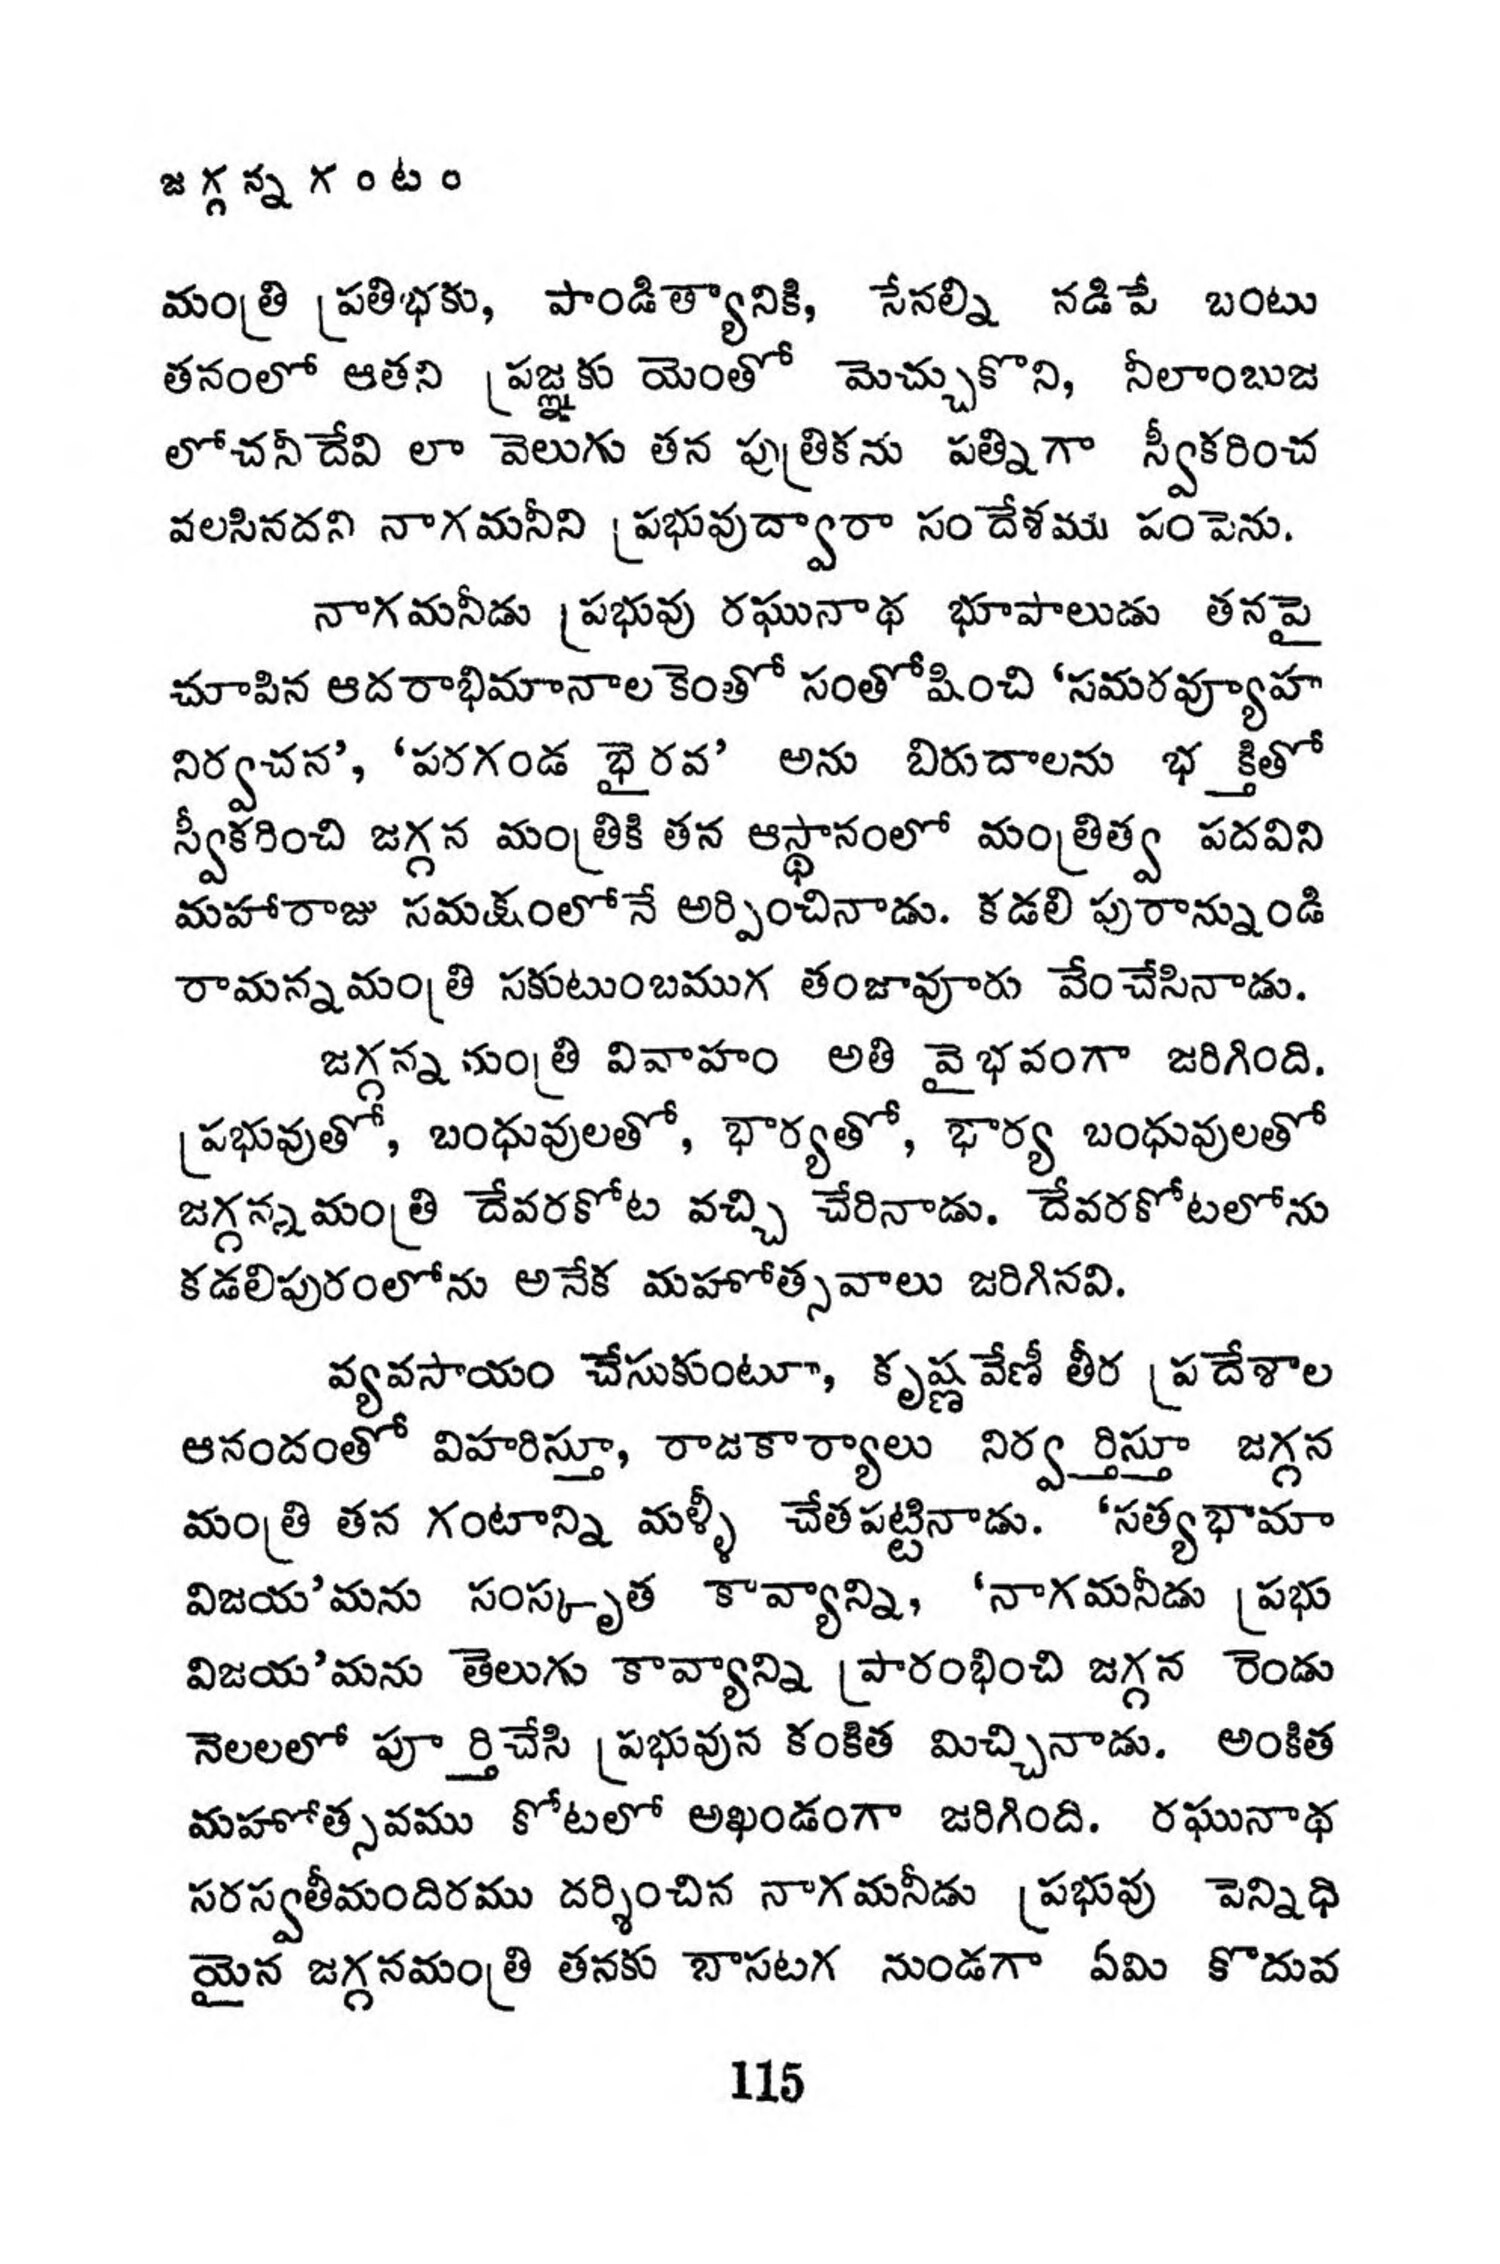మంత్రి ప్రతిభకు, పాండిత్యానికి, సేనల్ని నడిపే బంటుతనంలో ఆతని ప్రజ్ఞకు యెంతో మెచ్చుకొని, నీలాంబుజలోచనీదేవి లా వెలుగు తన పుత్రికను పత్నిగా స్వీకరించ వలసినదని నాగమనీని ప్రభువుద్వారా సందేశము పంపెను.

నాగమనీడు ప్రభువు రఘునాథ భూపాలుడు తనపై చూపిన ఆదరాభిమానాలకెంతో సంతోషించి 'సమరవ్యూహ నిర్వచన', 'పరగండ భైరవ' అను బిరుదాలను భక్తితో స్వీకరించి జగ్గన మంత్రికి తన ఆస్థానంలో మంత్రిత్వ పదవిని మహారాజు సమక్షంలోనే అర్పించినాడు. కడలి పురాన్నుండి రామన్నమంత్రి సకుటుంబముగ తంజావూరు వేంచేసినాడు.

జగ్గన్నమంత్రి వివాహం అతి వైభవంగా జరిగింది. ప్రభువుతో, బంధువులతో, భార్యతో, భార్య బంధువులతో జగ్గన్నమంత్రి దేవరకోట వచ్చి చేరినాడు. దేవరకోటలోను కడలిపురంలోను అనేక మహోత్సవాలు జరిగినవి.

వ్యవసాయం చేసుకుంటూ, కృష్ణవేణీ తీర ప్రదేశాల ఆనందంతో విహరిస్తూ, రాజకార్యాలు నిర్వర్తిస్తూ జగ్గనమంత్రి తన గంటాన్ని మళ్ళీ చేతపట్టినాడు. 'సత్యభామా విజయ'మను సంస్కృత కావ్యాన్ని, 'నాగమనీడు ప్రభు విజయ'మను తెలుగు కావ్యాన్ని ప్రారంభించి జగ్గన రెండు నెలలలో పూర్తిచేసి ప్రభువున కంకిత మిచ్చినాడు. అంకిత మహోత్సవము కోటలో అఖండంగా జరిగింది. రఘునాథ సరస్వతీమందిరము దర్శించిన నాగమనీడు ప్రభువు పెన్నిధియైన జగ్గనమంత్రి తనకు బాసటగ నుండగా ఏమి కొదువ